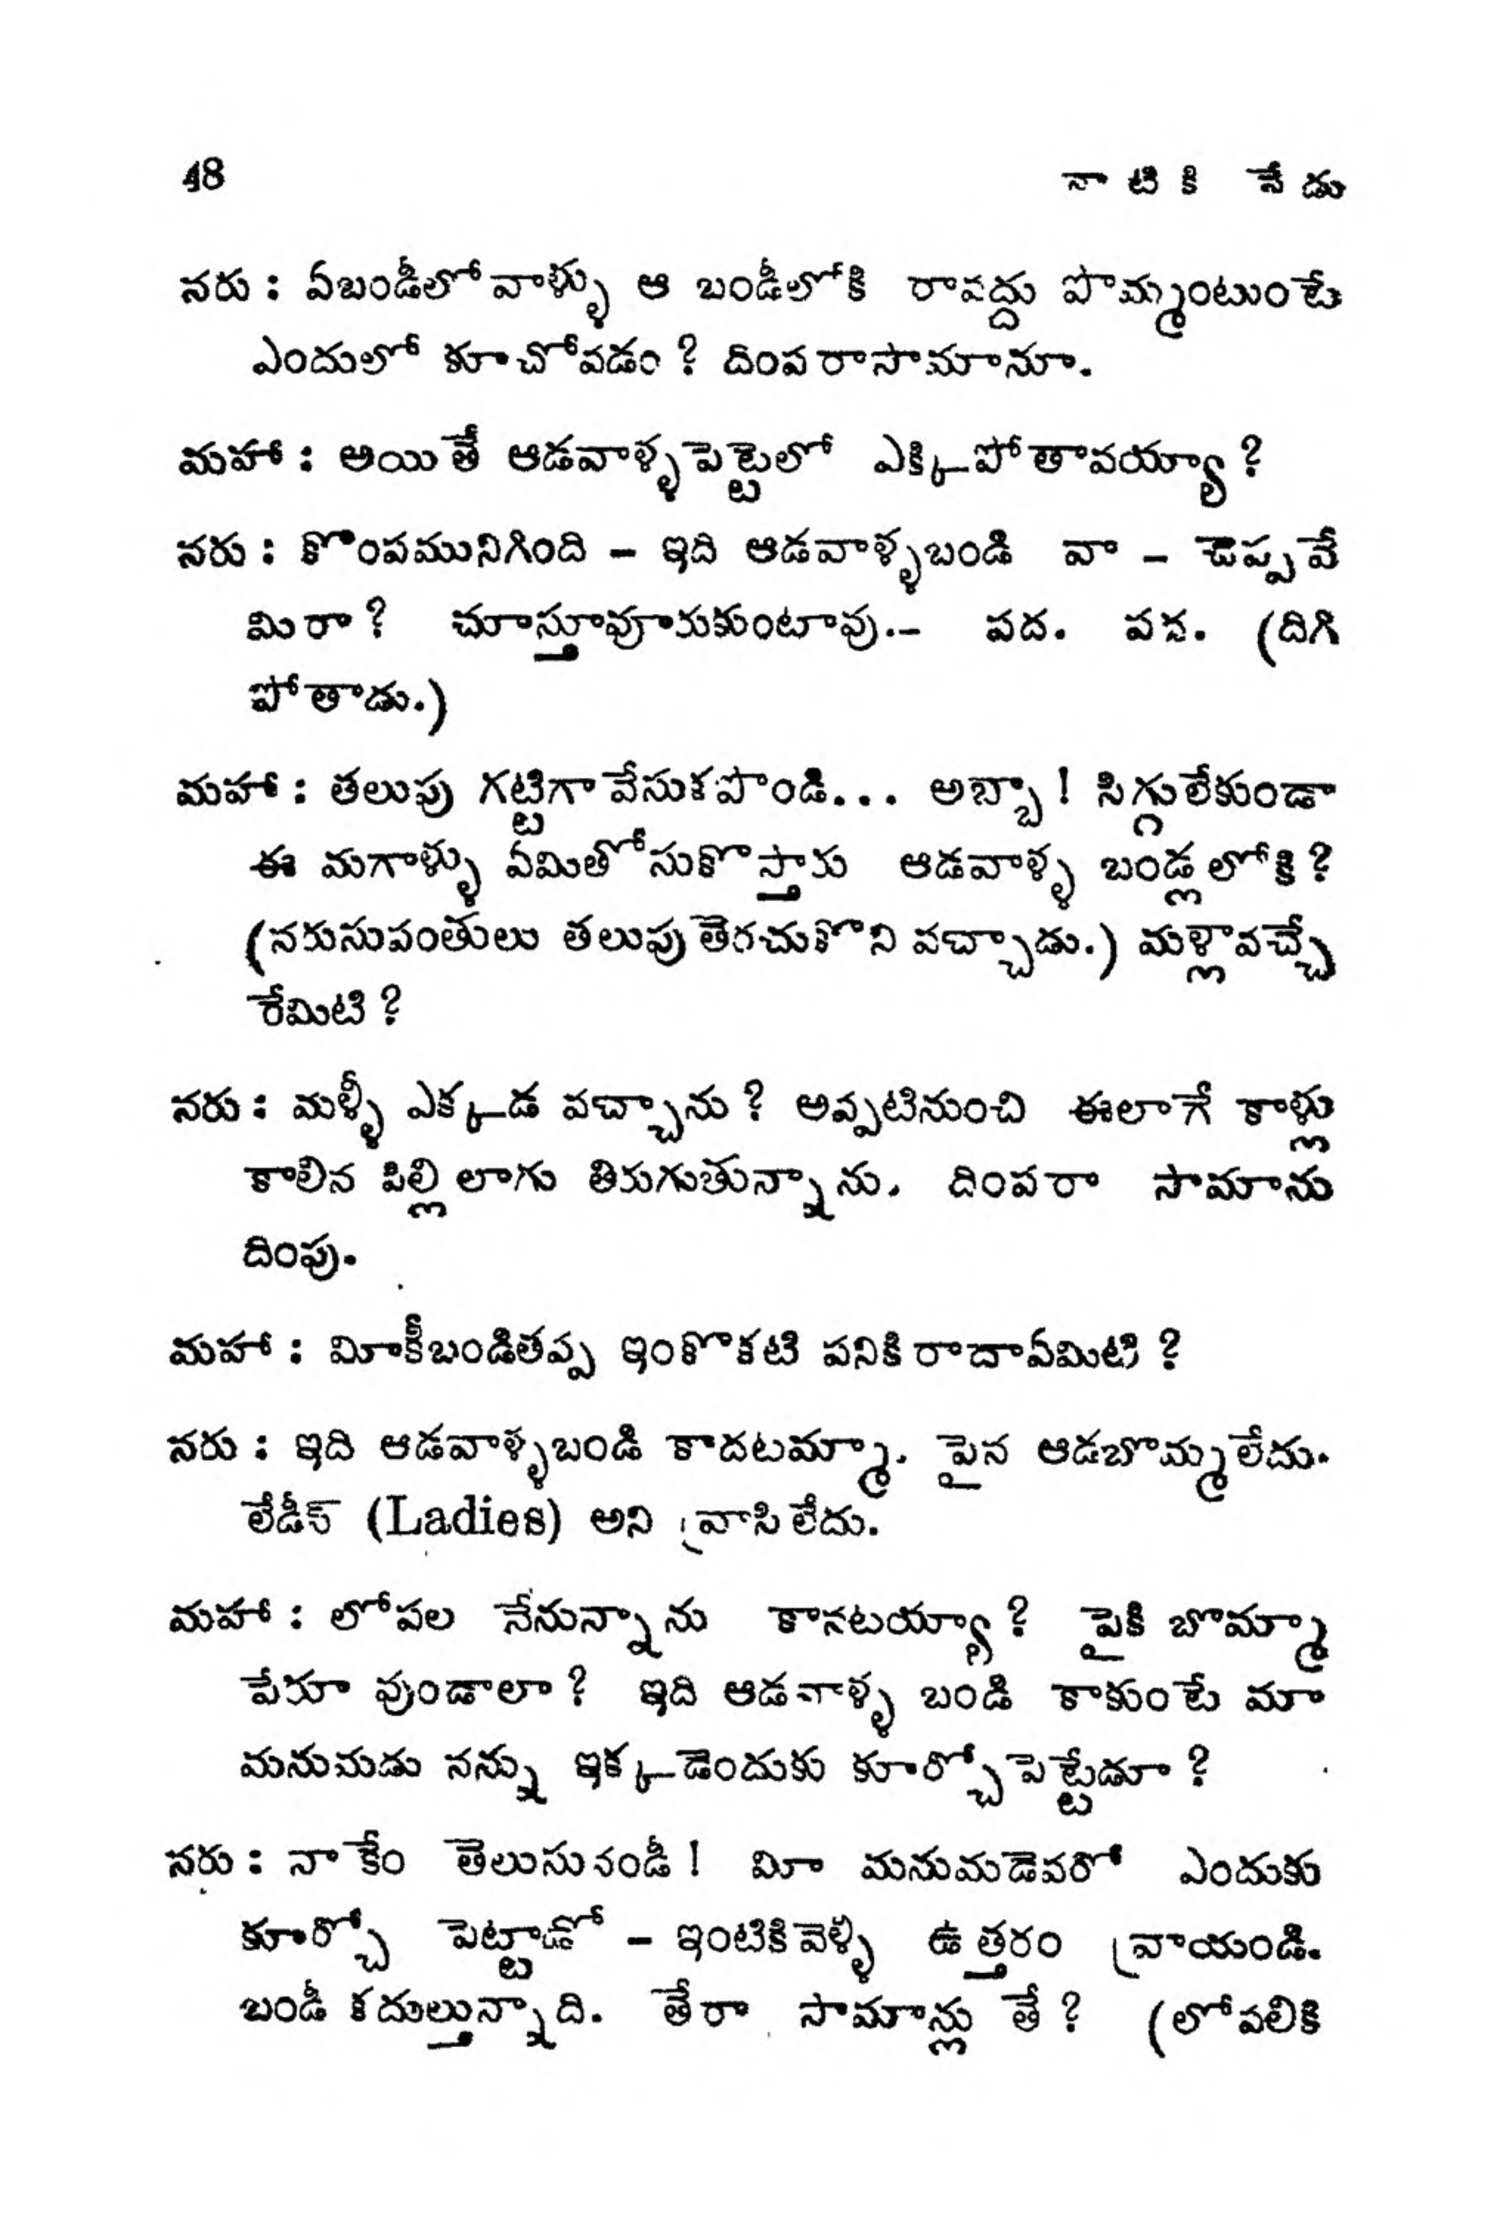నరు : ఏబండీలోవాళ్ళు ఆ బండీలోకి రావద్దు పొమ్మంటుంటే ఎందులో కూచోవడం ? దింపరాసామానూ.

మహా : అయితే ఆడవాళ్ళపెట్టెలో ఎక్కిపోతావయ్యా ?

నరు : కొంపమునిగింది - ఇది ఆడవాళ్ళబండి వా - చెప్పవేమిరా? చూస్తూవూరుకుంటావు. పద. పద. (దిగి పోతాడు.)

మహా : తలుపు గట్టిగా వేసుకపొండి... అబ్బా ! సిగ్గులేకుండా ఈ మగాళ్ళు ఏమితోసుకొస్తారు ఆడవాళ్ళ బండ్లలోకి ?
(నరుసుపంతులు తలుపుతెరచుకొని వచ్చాడు.) మళ్లావచ్చేరేమిటి ?

నరు : మళ్ళీ ఎక్కడ వచ్చాను? అప్పటినుంచి ఈలాగే కాళ్లు కాలిన పిల్లి లాగు తిరుగుతున్నాను. దింపరా సామాను
దింపు.

మహా : విూకీబండితప్ప ఇంకొకటి పనికిరాదాఏమిటి ?

నరు : ఇది ఆడవాళ్ళబండి కాదటమ్మా, పైన ఆడబొమ్మలేదు. లేడీస్ (Ladies) అని వ్రాసిలేదు.

మహా : లోపల నేనున్నాను కానటయ్యా? పైకి బొమ్మా పేరూ వుండాలా ? ఇది ఆడవాళ్ళ బండి కాకుంటే మా
మనుమడు నన్ను ఇక్కడెందుకు కూర్చోపెట్టేడూ?

నరు : నాకేం తెలుసునండీ! మీ మనుమడెవరో ఎందుకు కూర్చో పెట్టాడో - ఇంటికివెళ్ళి ఉత్తరం వ్రాయండి. బండీ కదుల్తున్నాది. తేరా సామాన్లు తే ? (లోపలికి